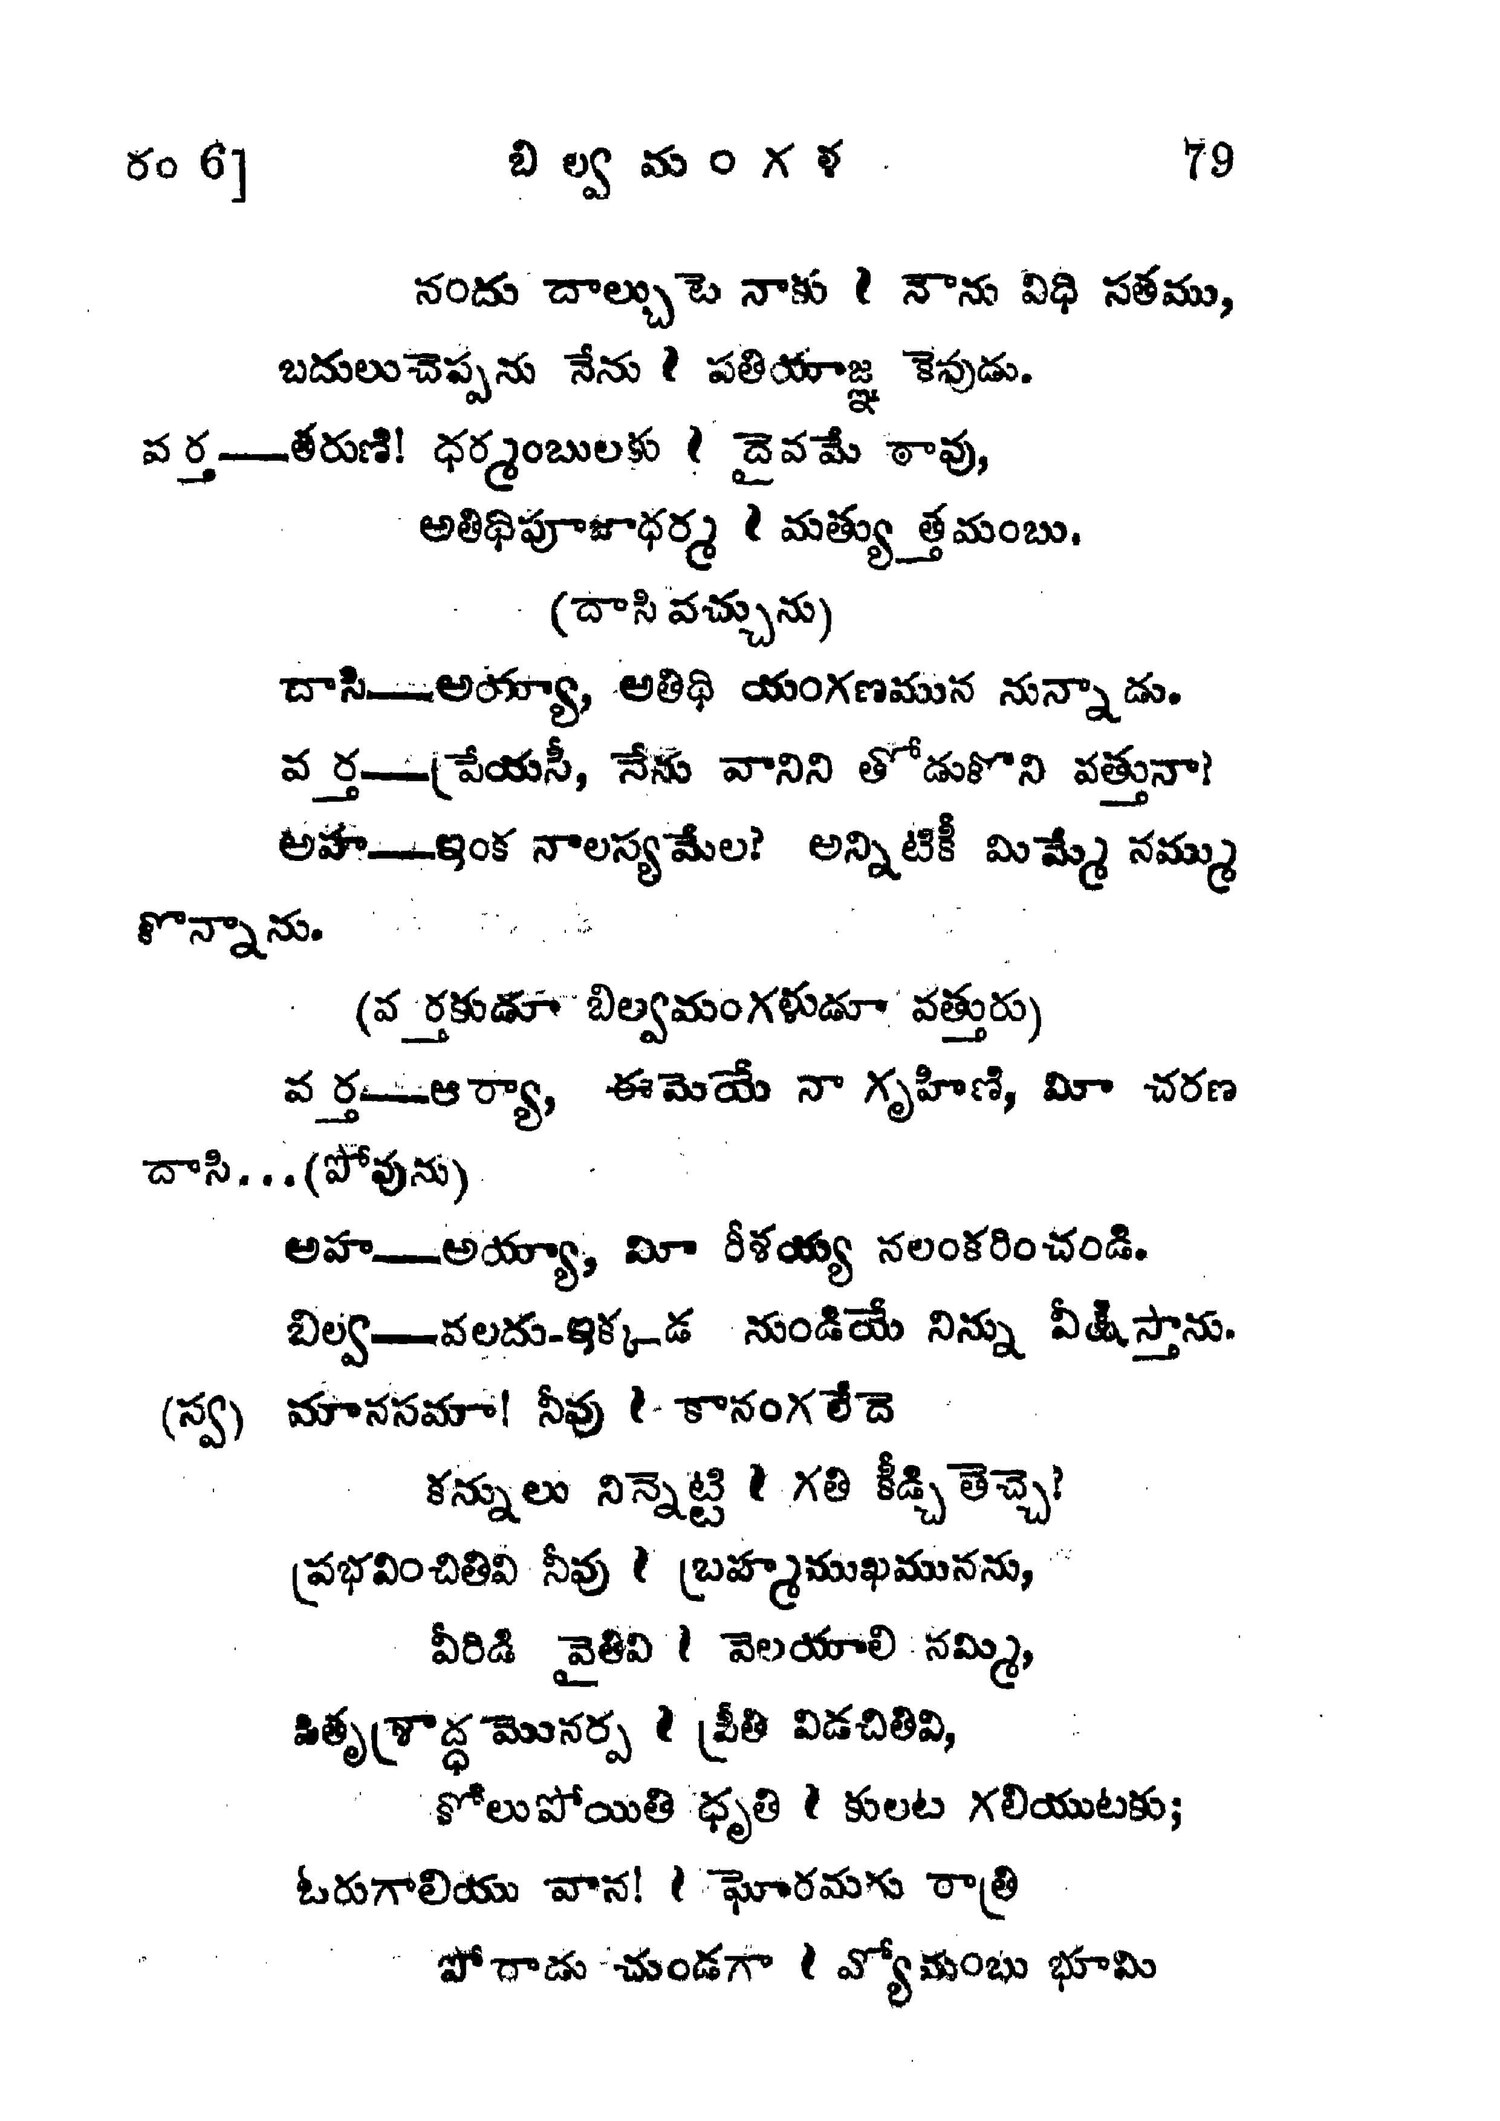నందు దాల్చుటె నాకు ♦ నౌను విధి సతము,
 బదులుచెప్పను నేను ♦ పతియాజ్ఞ కెపుడు.
 వర్త - తరుణి! ధర్మంబులకు ♦ దైవమే ఠావు,
 అతిథిపూజాధర్మ ♦ మత్యుత్తమంబు.

దాసి - అయ్యా, అతిథి యంగణమున నున్నాడు.

వర్త - ప్రేయసీ, నేను వానిని తోడుకొని వత్తునా?

అహ - ఇంక నాలస్యమేల? అన్నిటికీ మిమ్మే నమ్ముకొన్నాను.

వర్త - ఆర్యా, ఈమెయే నా గృహిణి, మీ చరణదాసి...(పోవును)

అహ - అయ్యా, మీ రీశయ్య నలంకరించండి.

బిల్వ - వలదు-ఇక్కడ నుండియే నిన్ను వీక్షిస్తాను.

 (స్వ) మానసమా! నీవు ♦ కానంగలేదె
 కన్నులు నిన్నెట్టి ♦ గతి కీడ్చి తెచ్చె?
 ప్రభవించితివి నీవు ♦ బ్రహ్మముఖమునను,
 వీరిడి వైతివి ♦ వెలయాలి నమ్మి,
 పితృశ్రాద్ధ మొనర్ప ♦ ప్రీతి విడచితివి,
 కోలుపోయితి ధృతి ♦ కులట గలియుటకు;
 ఓరుగాలియు వాన! ♦ ఘోరమగు రాత్రి
 పోరాడు చుండగా ♦ వ్యోమంబు భూమి